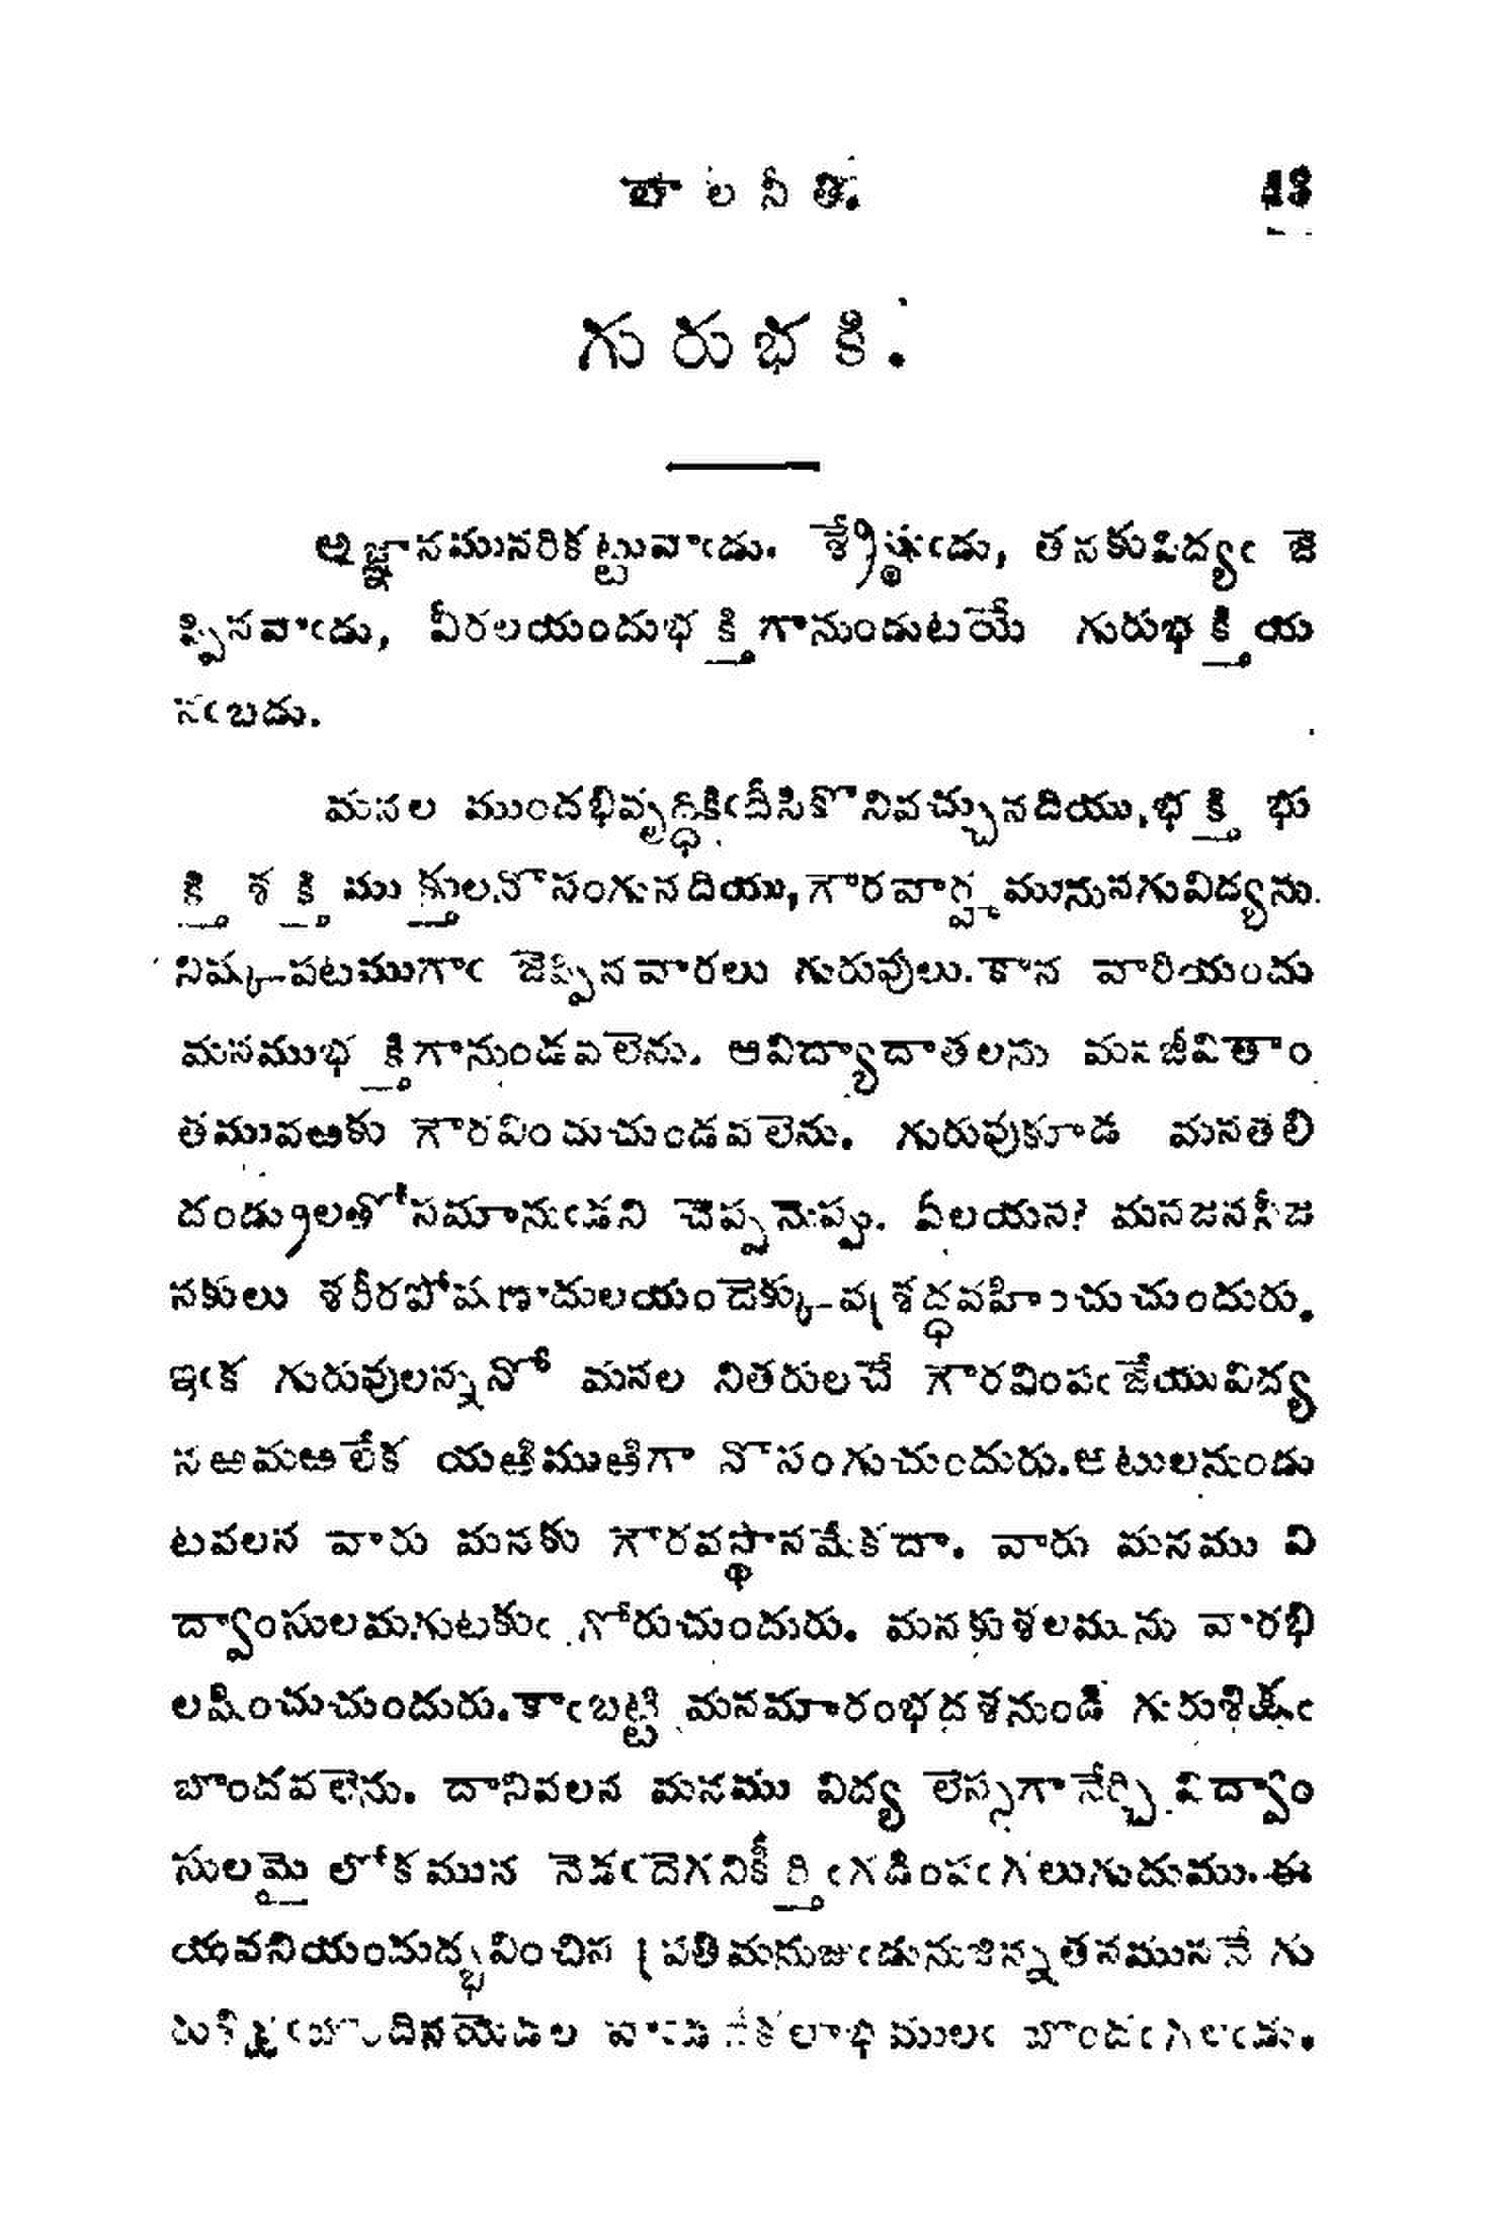గురుభక్తి.

 
అజ్ఞానమునరికట్టువాఁడు. శ్రేష్ఠుఁడు, తనకువిద్యఁ జె
ప్పినవాఁడు, వీరలయందుభక్తిగానుండుటయే గురుభక్తియ
నఁబడు.

మనల ముందభివృద్దికిఁదీసికొనివచ్చునదియు, భక్తి భు
క్తి శక్తి ముక్తులనొసంగునదియు, గౌరవార్హమునునగువిద్యను 
నిష్కపటముగాఁ జెప్పినవారలు గురువులు. కాన వారియందు 
మనముభక్తిగానుండవలెను. ఆవిద్యాదాతలను మనజీవితాం
తమువఱకు గౌరవించుచుండవలెను. గురువుకూడ మనతలి
దండ్రులతోసమానుఁడని చెప్పనొప్పు. ఏలయన? మనజననీజ
నకులు శరీరపోషణాదులయందెక్కువశ్రద్ధవహించు చుందురు. 
ఇఁక గురువులన్ననో మనల నితరులచే గౌరవింపఁజేయువిద్య 
నఱమఱలేక యఱిముఱిగా నొసంగుచుందురు. అటులనుండు
టవలన వారు మనకు గౌరవస్ధానమేకదా. వారు మనము వి
ద్వాంసులమగుటకుఁ గోరుచుందురు. మనకుశలమును వారభి
లషించుచుందురు. కాఁబట్టి మనమారంబదశనుండి గురుశిక్షఁ 
బొందవలెను. దానివలన మనము విద్య లెస్సగానేర్చి విద్వాం
సులమై లోకమున నెడఁదెగనికీర్తిఁగడింపఁగలుగుదుము. ఈ
యవనియందుద్భవించిన ప్రతిమనుజుఁడునుజిన్నతనముననే గు
రుశిక్షఁబొందినయెడల వాఁడనేకలాభములఁ బొందఁగలఁడు.